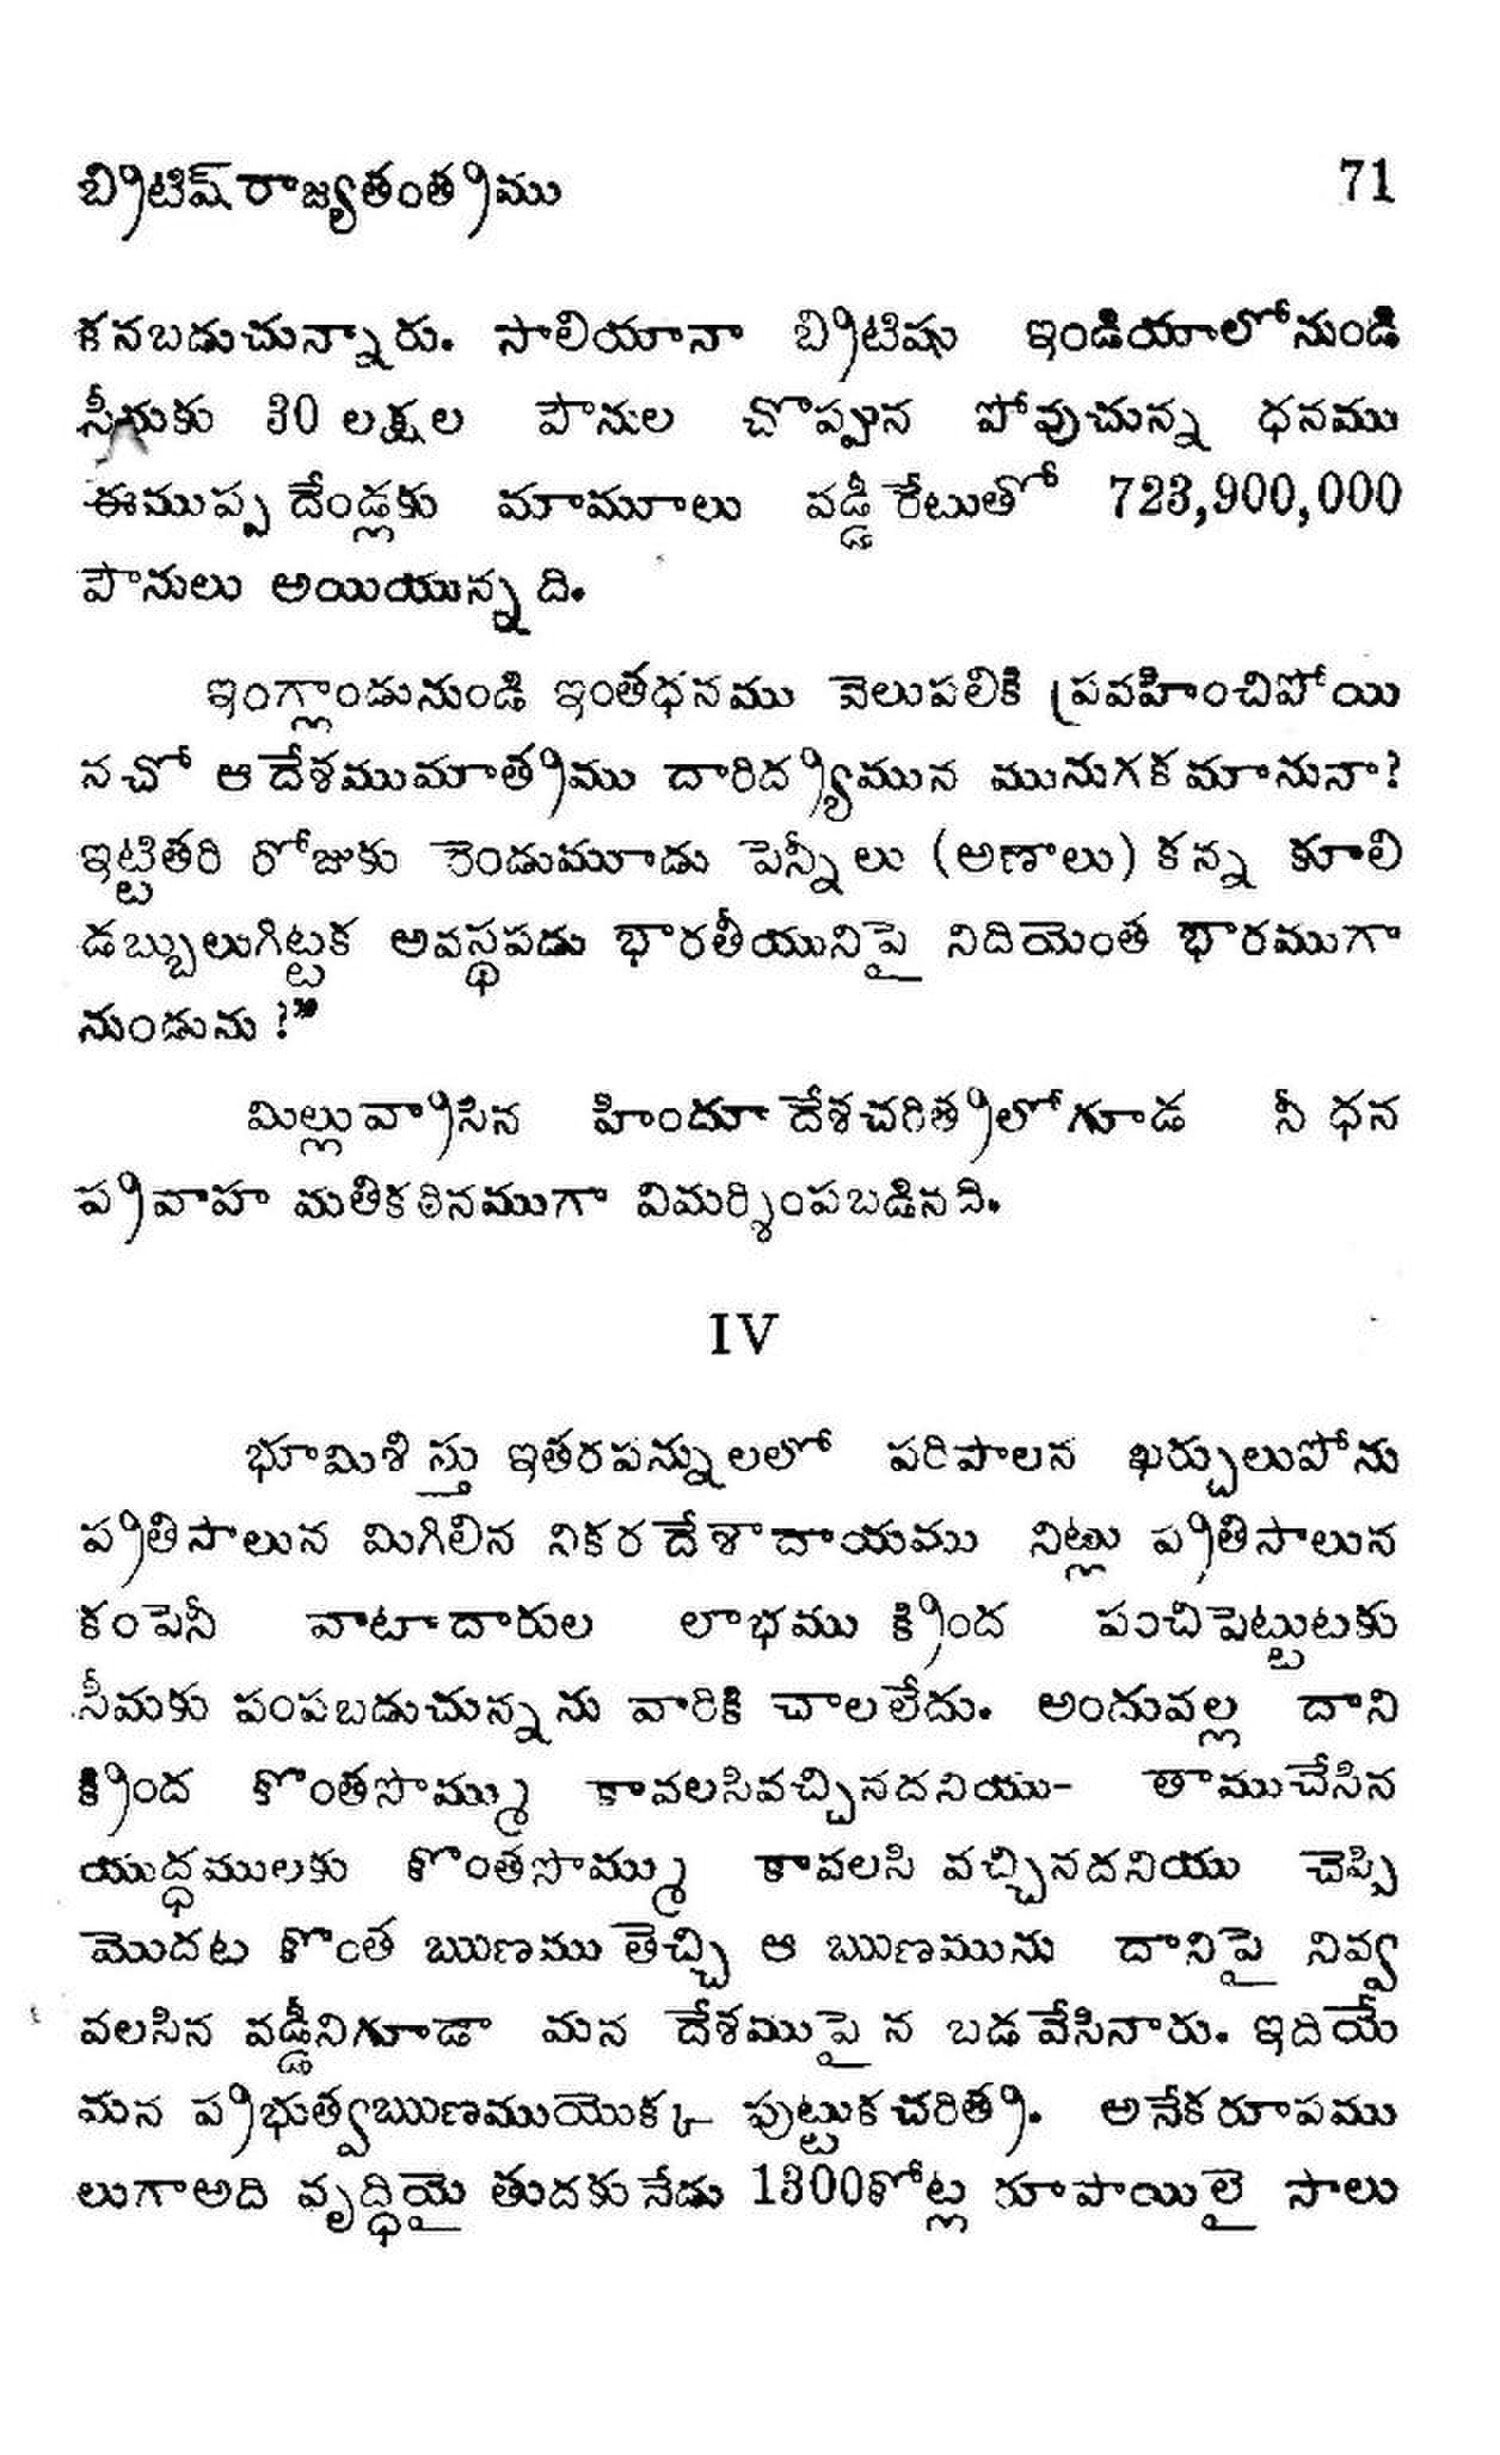కనబడుచున్నారు. సాలియానా బ్రిటిషు ఇండియాలోనుండి సీమకు 30 లక్షల పౌనుల చొప్పున పోవుచున్న ధనము ఈముప్ప దేండ్లకు మామూలు వడ్డీరేటుతో 723,900,000 పౌనులు అయియున్నది.

ఇంగ్లాండునుండి ఇంతధనము వెలుపలికి ప్రవహించిపోయినచో ఆదేశముమాత్రము దారిద్ర్యమున మునుగకమానునా? ఇట్టితరి రోజుకు రెండుమూడు పెన్నీ లు (అణాలు) కన్న కూలి డబ్బులుగిట్టక అవస్థపడు భారతీయుని పై నిదియెంత భారముగా నుండును ?"

మిల్లువ్రాసిన హిందూదేశచరిత్రలోగూడ నీ ధన ప్రవాహ మతికఠినముగా విమర్శింపబడినది.

IV 

భూమిశిస్తు ఇతరపన్నులలో పరిపాలన ఖర్చులుపోను ప్రతిసాలున మిగిలిన నికరదేశాదాయము నిట్లు ప్రతిసాలున కంపెనీ వాటాదారుల లాభము క్రింద పంచిపెట్టుటకు సీమకు పంపబడుచున్నను వారికి చాలలేదు. అందువల్ల దానిక్రింద కొంతసొమ్ము కావలసివచ్చినదనియు- తాముచేసిన యుద్దములకు కొంతసొమ్ము కావలసి వచ్చినదనియు చెప్పి
మొదట కొంత ఋణము తెచ్చి ఆ ఋణమును దానిపై నివ్వవలసిన వడ్డీనిగూడా మన దేశముపైన బడవేసినారు. ఇదియే మన ప్రభుత్వఋణముయొక్క పుట్టుకచరిత్ర. అనేకరూపములుగా అది వృద్ధియై తుదకునేడు 1300కోట్ల రూపాయిలై సాలు